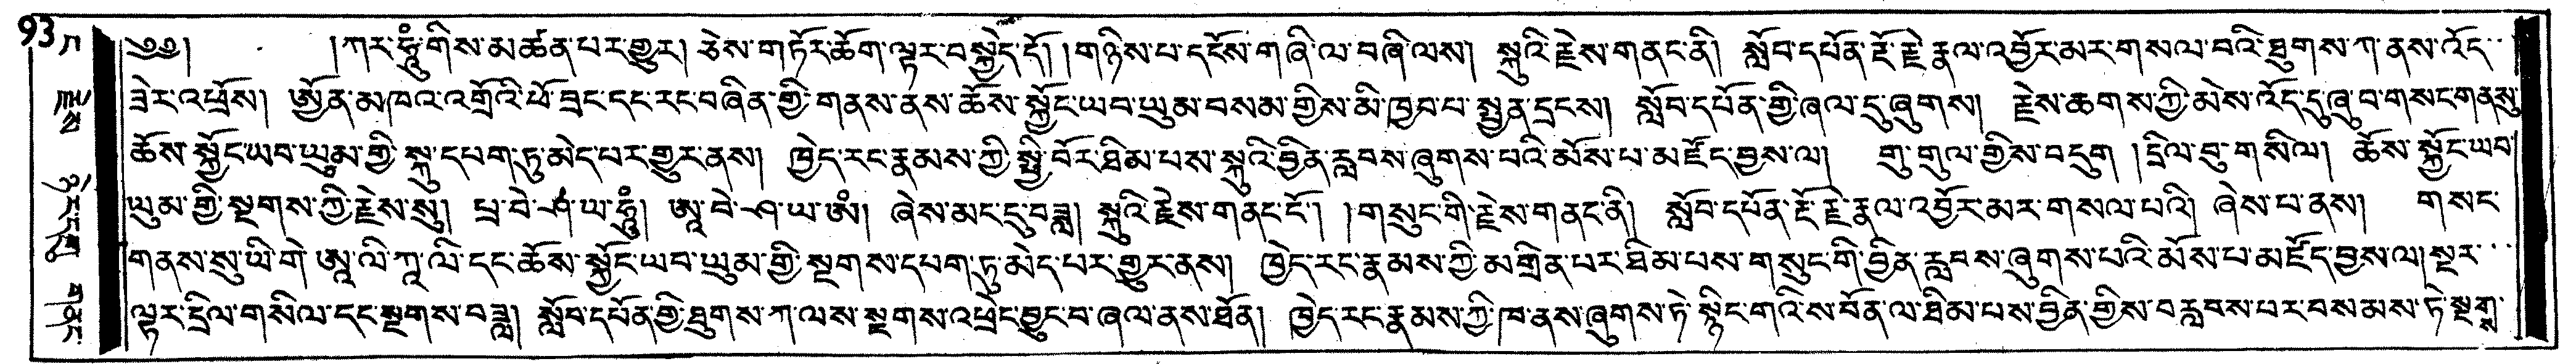༄༅། །ཀར་ཧཱུཾ་གིས་མཚན་པར་གྱུར། ཅེས་གཏོར་ཆོག་ལྟར་བསྐྱེད་དོ། །གཉིས་པ་དངོས་གཞི་ལ་བཞི་ལས། སྐུའི་རྗེས་གནང་ནི། སློབ་དཔོན་རྡོ་རྗེ་རྣལ་འབྱོར་མར་གསལ་བའི་ཐུགས་ཀ་ནས་འོད་
ཟེར་འཕྲོས། ཨཡོན་མཁའ་འགྲོའི་ཕོ་བྲང་དང་རང་བཞིན་གྱི་གནས་ནས་ཆོས་སྐྱོང་ཡབ་ཡུམ་བསམ་གྱིས་མི་ཁྱབ་པ་སྤྱན་དྲངས། སློབ་དཔོན་གྱི་ཞལ་དུ་ཞུགས། རྗེས་ཆགས་ཀྱི་མེས་འོད་དུ་ཞུ་བ་གསང་གནས་སུ་
ཆོས་སྐྱོང་ཡབ་ཡུམ་གྱི་སྐུ་དཔག་ཏུ་མེད་པར་གྱུར་ནས། ཁྱེད་རང་རྣམས་ཀྱི་སྤྱི་བོར་ཐིམ་པས་སྐུའི་བྱིན་རླབས་ཞུགས་པའི་མོས་པ་མཛོད་བྱས་ལ། གུ་གུལ་གྱིས་བདུག། དྲིལ་བུ་གསིལ། ཆོས་སྐྱོང་ཡབ་
ཡུམ་གྱི་སྔགས་ཀྱི་རྗེས་སུ། པྲ་བེ་ཤ་ཡ་ཧཱུཾ། ཨཱ་བེ་ཤ་ཡ་ཨཾ། ཞེས་མང་དུ་བཟླ། སྐུའི་རྗེས་གནང་ངོ། །གསུང་གི་རྗེས་གནང་ནི། སློབ་དཔོན་རྡོ་རྗེ་རྣལ་འབྱོར་མར་གསལ་པའི། ཞེས་པ་ནས། གསང་
གནས་སུ་ཡི་གེ་ཨཱ་ལི་ཀཱ་ལི་དང་ཆོས་སྐྱོང་ཡབ་ཡུམ་གྱི་སྔགས་དཔག་ཏུ་མེད་པར་གྱུར་ནས། ཁྱེད་རང་རྣམས་ཀྱི་མགྲིན་པར་ཐིམ་པས་གསུང་གི་བྱིན་རླབས་ཞུགས་པའི་མོས་པ་མཛོད་བྱས་ལ། སྔར་
ལྟར་དྲིལ་གསིལ་དང་སྔགས་བཟླ། སློབ་དཔོན་གྱི་ཐུགས་ཀ་ལས་སྔགས་འཕྲེང་བྱུང་བ་ཞལ་ནས་ཐོན། ཁྱེད་རང་རྣམས་ཀྱི་ཁ་ནས་ཞུགས་ཏེ་སྙིང་གའི་ས་བོན་ལ་ཐིམ་པས་བྱིན་གྱིས་བརླབས་པར་བསམས་ཏེ་སྔགས་